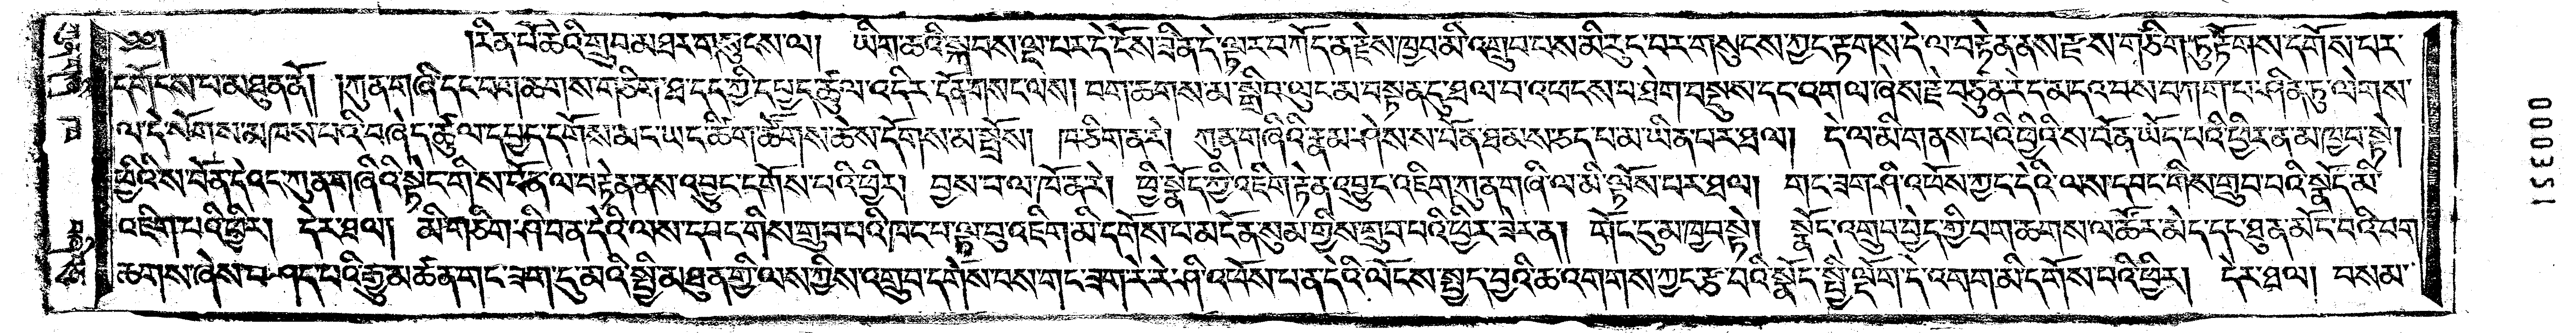༄༅། །རིན་པོ་ཆེའི་གྲུབ་མཐར་གསུངས་ལ། ཡིག་ཆའི་སྐབས་ལྔ་པར་དེ་ངོས་ཟིན་དེ་ལྟར་བཀོད་ན་རྗེས་ཁྱབ་མི་འགྲུབ་པས་མི་རུང་བར་གསུངས་ཀྱང་རྟགས་དེ་ལ་བརྟེན་ནས་རྫས་གཅིག་ཏུ་རྟོགས་དགོས་པར་
དགོངས་པ་མཐུན་ནོ། །ཀུན་གཞི་དང་བག་ཆགས་གཅིག་ཐ་དད་ཀྱི་དཔྱད་ཚུལ་འདིར་དོན་གསང་ལས། བག་ཆགས་མ་སྒྲིབ་ལུང་མ་བསྟན་དུ་ཐལ་བ་འཕངས་པ་ཐེག་བསྡུས་དང་འགལ་ཞེས་རྗེ་བཙུན་རེད་མདའ་བས་བཀག་པ་ཤིན་ཏུ་ལེགས་
ལ་དེ་སོགས་མཁས་པའི་བཞེད་ཚུལ་དཔྱད་དགོས་མང་ཡང་ཚིག་ཚོགས་ཆེས་དོགས་མ་སྤྲོས། ཁ་ཅིག་ན་རེ། ཀུན་གཞིའི་རྣམ་ཤེས་ས་བོན་ཐམས་ཅད་པ་མ་ཡིན་པར་ཐལ། དེ་ལ་མི་གནས་པའི་ཕྱིའི་ས་བོན་ཡོད་པའི་ཕྱིར་ན་མ་ཁྱབ་སྟེ།
ཕྱིའི་ས་བོན་དེའང་ཀུན་གཞིའི་སྟེང་གི་ས་བོན་ལ་བརྟེན་ནས་འབྱུང་དགོས་པའི་ཕྱིར། བྱས་པ་ལ་ཁོ་ན་རེ། ཕྱི་སྣོད་ཀྱི་འཇིག་རྟེན་འབྱུང་འཇིག་ཀུན་གཞི་ལ་མི་ལྟོས་པར་ཐལ། གང་ཟག་ཤི་འཕོས་ཀྱང་དེའི་ལས་དབང་གིས་གྲུབ་པའི་སྣོད་མི་
འཇིག་པའི་ཕྱིར། དེར་ཐལ། མི་གཅིག་ཤི་བ་ན་དེའི་ལས་དབང་གིས་གྲུབ་པའི་ཁང་པ་ལྟ་བུ་འཇིག་མི་དགོས་པ་མངོན་སུམ་གྱིས་གྲུབ་པའི་ཕྱིར་ཟེར་ན། གོང་དུ་མ་ཁྱབ་སྟེ། སྣོད་འགྲུབ་བྱེད་གྱི་བག་ཆགས་ལ་ཚོར་མེད་དང་ཐུན་མོང་བའི་བག་
ཆགས་ཞེས་བཤད་པའི་རྒྱུ་མཚན་གང་ཟག་དུ་མའི་སྤྱི་མཐུན་གྱི་ལས་ཀྱིས་འགྲུབ་དགོས་པས་གང་ཟག་རེ་རེ་ཤི་འཕོས་པ་ན་དེའི་ལོངས་སྤྱད་བྱའི་ཆ་འགགས་ཀྱང་རྩ་བའི་སྣོད་སྤྱི་ལྡོག་དེ་འགག་མི་དགོས་པའི་ཕྱིར། དེར་ཐལ། བསམ་